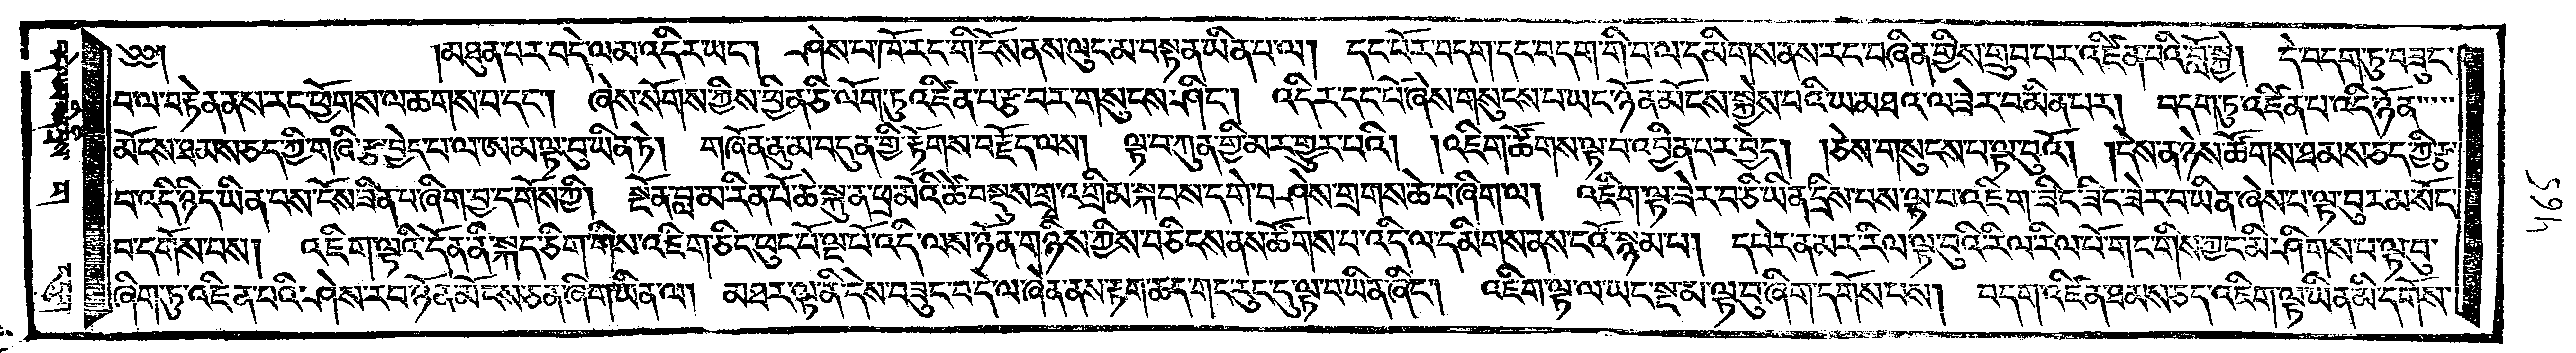༄༅། །མཐུན་པར་བདེ་ལམ་འདིར་ཡང་། ཤེས་པ་ཁོ་རང་གི་ངོས་ནས་ལུང་མ་བསྟན་ཡིན་པ་ལ། དང་པོར་བདག་དང་བདག་གི་བ་ལ་དམིགས་ནས་རང་བཞིན་གྱིས་གྲུབ་པར་འཛིན་པའི་བློ་སྐྱེ། དེ་བདག་ཏུ་བཟུང་
བ་ལ་བརྟེན་ནས་རང་ཕྱོགས་ལ་ཆགས་པ་དང་། ཞེས་སོགས་ཀྱིས་ཕྱིན་ཅི་ལོག་ཏུ་འཛིན་པ་རྩ་པར་གསུངས་ཤིང་། འདིར་དང་པོ་ཞེས་གསུངས་པ་ཡང་ཉོན་མོངས་སྐྱེས་པའི་ཡ་མཐའ་ལ་ཟེར་བ་མིན་པར། བདག་ཏུ་འཛིན་པ་འདི་ཉོན་
མོངས་ཐམས་ཅད་ཀྱི་གཞི་རྩ་བྱེད་པ་ལ་ཨ་མ་ལྟ་བུ་ཡིན་ཏེ། གཞོན་ནུ་མ་བདུན་གྱི་རྟོགས་བརྗོད་ལས། ལྟ་བ་ཀུན་གྱི་མར་གྱུར་པའི། །འཇིག་ཚོགས་ལྟ་བ་འབྱིན་པར་བྱེད། །ཅེས་གསུངས་པ་ལྟ་བུའོ། །དེས་ན་ཉེས་ཚོགས་ཐམས་ཅད་ཀྱི་རྩ་
བ་འདི་ཉིད་ཡིན་པས་ངོས་ཟིན་པ་ཞིག་བྱ་དགོས་ཀྱི། སྔོན་བླ་མ་རིན་པོ་ཆེ་སྐུ་ན་ཕྲ་མོའི་ཚེ་བསྡུས་གྲྭ་འགྲིམ་སྐབས་དགེ་བཤེས་གྲགས་ཆེ་བ་ཞིག་ལ། འཇིག་ལྟ་ཟེར་བ་ཅི་ཡིན་དྲིས་པས་ལྟ་བ་འཇིག་ཟིང་ཟིང་ཟེར་བ་ཡིན་ཞེས་པ་ལྟ་བུར་མ་སོང་
བ་དགོས་བས། འཇིག་ལྟའི་དོན་ནི་སྐད་ཅིག་གིས་འཇིག་ཅིང་ཕུང་པོ་ལྔ་པོ་འདི་ལས་ཉོན་གཉིས་ཀྱིས་བཅིངས་ནས་ཚོགས་པ་འདི་ལ་དམིགས་ནས་ངའོ་སྙམ་པ། དཔེར་ན་མར་རིལ་ལྟ་བུའི་རིལ་རིལ་པོ་གང་གིས་ཀྱང་མི་ཤིགས་པ་ལྟ་བུ་
ཞིག་ཏུ་འཛིན་པའི་ཤེས་རབ་ཉོན་མོངས་ཅན་ཞིག་ཡིན་ལ། མཐར་ལྟ་ནི་དེས་བཟུང་བ་དེ་ལ་ཞེན་ནས་རྟག་ཆད་གང་རུང་དུ་ལྟ་བ་ཡིན་ཞིང་། འཇིག་ལྟ་ལ་ཡང་སྔ་མ་ལྟ་བུ་ཞིག་དགོས་པས། བདག་འཛིན་ཐམས་ཅད་འཇིག་ལྟ་ཡིན་མི་དགོས་